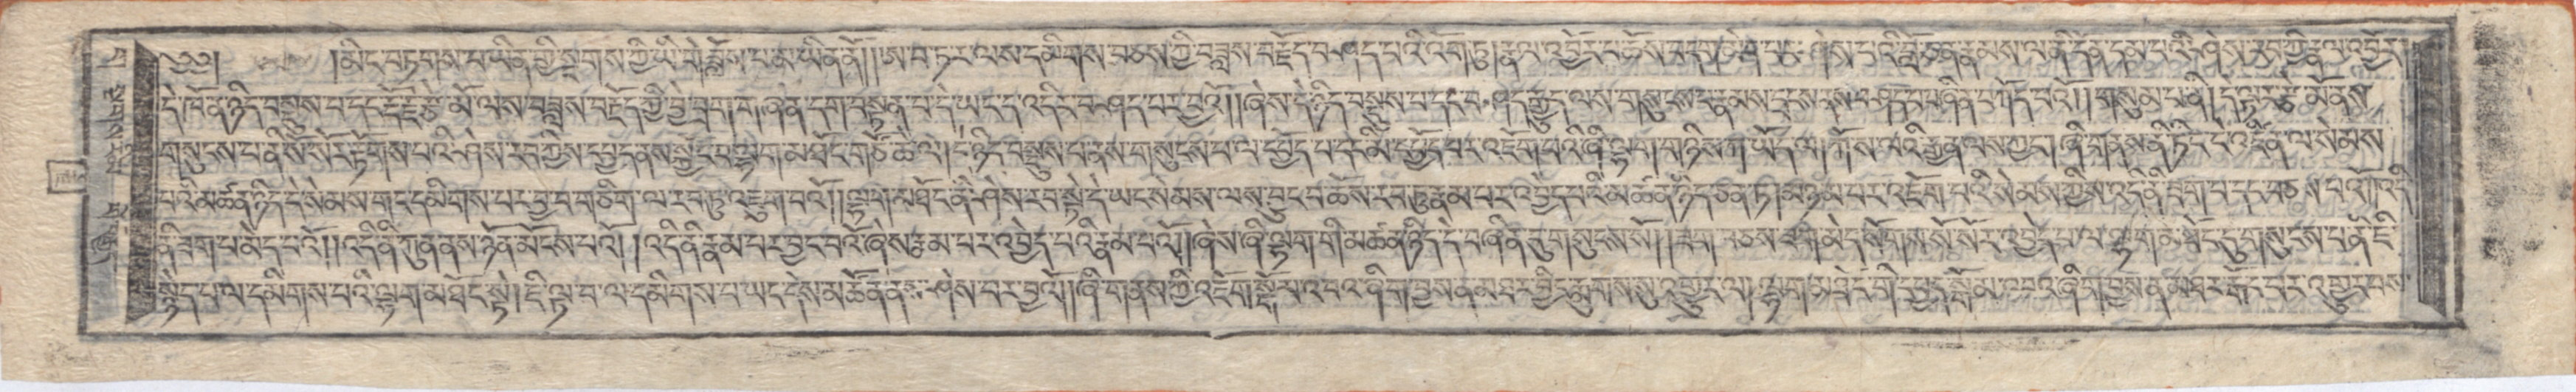༄༅། །མིང་བཏགས་པ་ཡིན་གྱི་སྔགས་ཀྱི་ཡི་གེ་ཟློས་པ་མ་ཡིན་ནོ། །ཨ་བ་ཏ་ར་ལས་དམིགས་བཅས་ཀྱི་བཟླས་བརྗོད་བཤད་པའི་འོག་ཏུ། རྣལ་འབྱོར་པ་ཆོས་བདག་མེད་པར་ཤེས་པའི་བློ་ཅན་རྣམས་ལ་ནི་དོན་དམ་པའི་ཤེས་རབ་ཀྱི་རྣལ་འབྱོར།
དེ་ཁོ་ན་ཉིད་བསྡུས་པ་དང་རྡོ་རྗེ་རྩེ་མོ་ལས་བཟླས་བརྗོད་ཀྱི་བྱེ་བྲག་གཞན་དག་བསྟན་པ་དེ་ཡང་ད་འདིར་བཤད་པར་བྱའོ། །ཞེས་དེ་ཉིད་བསྡུས་པ་དང་བཤད་རྒྱུད་ལས་གསུངས་པ་རྣམས་དྲངས་ནས་བཤད་པ་བཞིན་བཀོད་པའོ། །གསུམ་པ་ནི། དེ་ལྟར་རྩེ་མོ་ནས་
གསུངས་པ་ནི་སོ་སོར་རྟོགས་པའི་ཤེས་རབ་ཀྱིས་དཔྱད་ནས་སྐྱོང་བ་ལྷག་མཐོང་གཙོ་ཆེ་ལ། དེ་ཉིད་བསྡུས་པ་ནས་གསུངས་པ་ལ་དཔྱོད་པ་དང་མི་དཔྱོད་པར་འཇོག་པའི་ཞི་ལྷག་གཉིས་ཀ་ཡོད་ལ། ཀོ་ས་ལའི་རྒྱན་ལས་ཀྱང་། ཞི་གནས་ནི་ཏིང་ངེ་འཛིན་ལ་སེམས་
པའི་མཚན་ཉིད་དེ་སེམས་གང་དམིགས་པར་བྱ་བ་གཅིག་ལ་རབ་ཏུ་འཇུག་པའོ། །ལྷག་མཐོང་ནི་ཤེས་རབ་སྟེ་དེ་ཡང་སེམས་ལས་བྱུང་བ་ཆོས་རབ་ཏུ་རྣམ་པར་འབྱེད་པའི་མཚན་ཉིད་ཅན་ཏ། མཉམ་པར་འཇོག་པའི་སེམས་ཀྱིས་འདི་ནི་ཟག་པ་དང་བཅས་པའོ། །འདི་
ནི་ཟག་པ་མེད་པའོ། །འདི་ནི་ཀུན་ནས་ཉོན་མོངས་པའོ། །འདི་ནི་རྣམ་པར་བྱང་བའོ་ཞེས་རྣམ་པར་འབྱེད་པའི་རྣམ་པའོ། །ཞེས་ཞི་ལྷག་གི་མཚན་ཉིད་དེ་བཞིན་དུ་གསུངས་སོ། །ཟག་བཅས་ཟག་མེད་སོགས་སོ་སོར་འབྱེད་པ་ལ་ལྷག་མཐོང་དུ་གསུངས་པ་ནི་ཇི་
སྙེད་པ་ལ་དམིགས་པའི་ལྷག་མཐོང་སྟེ། ཇི་ལྟ་བ་ལ་དམིགས་པ་ཡང་དེས་མཚོན་ནས་ཤེས་པར་བྱའོ། །ཞི་གནས་ཀྱི་འཇོག་སྒོམ་འབའ་ཞིག་བྱས་ན་མཐར་བྱིང་རྨུགས་སུ་འགྱུར་ལ། ལྷག་མཐོང་གི་དཔྱད་སྒོམ་འབའ་ཞིག་བྱས་ན་མཐར་རྒོད་པར་འགྱུར་བས་